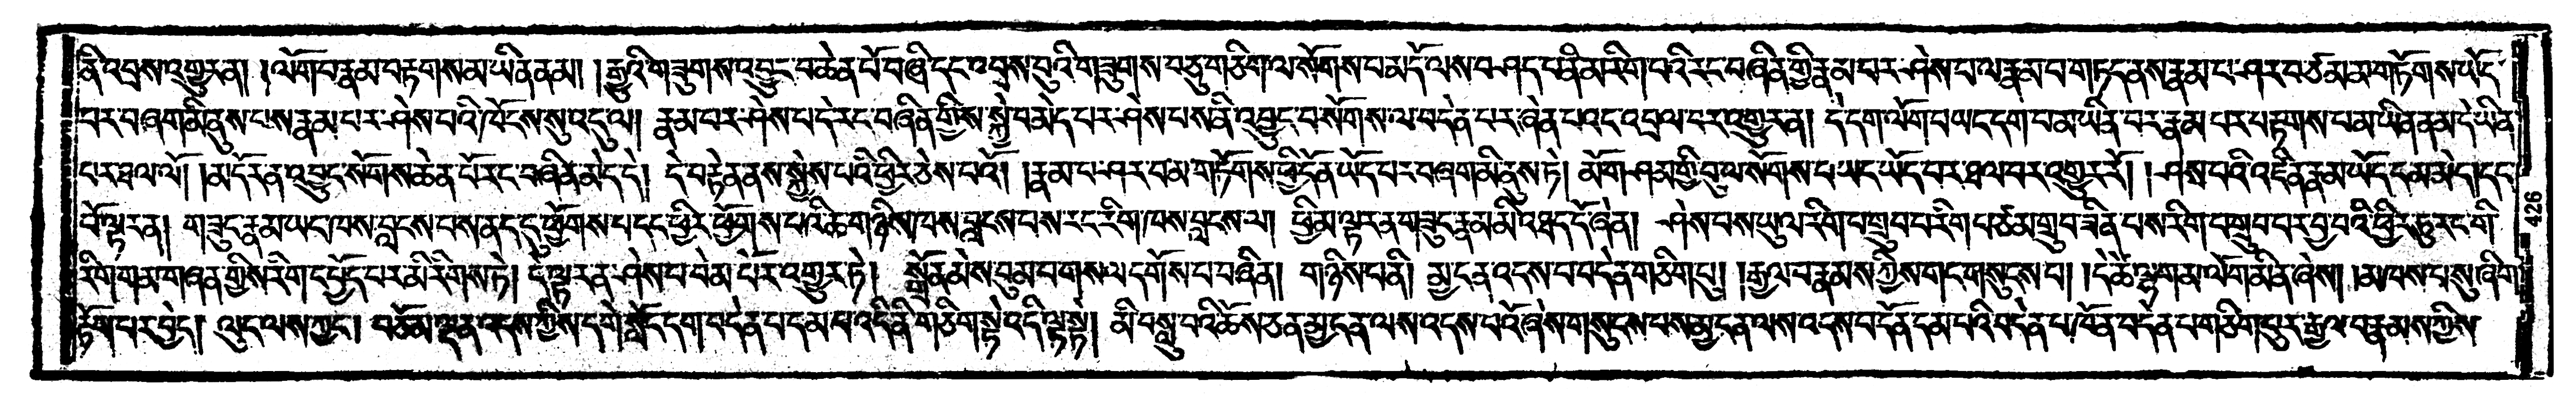ནི་འབྲས་འགྱུར་ན། །ལོག་པ་རྣམ་བརྟགས་མ་ཡིན་ནམ། །རྒྱུའི་གཟུགས་འབྱུང་བ་ཆེན་པོ་བཞི་དང་འབྲས་བུའི་གཟུགས་བཅུ་གཅིག་ལ་སོགས་པ་མདོ་ལས་བཤད་པ་ནི་མ་རིག་པའི་རང་བཞིན་གྱི་རྣམ་པར་ཤེས་པ་ལ་རྣམ་པ་གཏད་ནས་རྣམ་པ་ཤར་བ་ཙམ་མ་གཏོགས་ཡོད་
པར་བཞག་མི་ནུས་པས་རྣམ་པར་ཤེས་པའི་ཁོངས་སུ་འདུ་ལ། རྣམ་པར་ཤེས་པ་དེ་རང་བཞིན་གྱིས་སྐྱེ་བ་མེད་པར་ཤེས་པས་ནི་འབྱུང་བ་སོགས་ལ་བདེན་པར་ཞེན་པའང་འབྲལ་བར་འགྱུར་ན། དེ་དག་ལོག་པ་ཡང་དག་པ་མ་ཡིན་པར་རྣམ་པར་བརྟགས་པ་མ་ཡིན་ནམ་དེ་ཡིན་
པར་ཐལ་ལོ། །མདོར་ན་འབྱུང་སོགས་ཆེན་པོ་རང་བཞིན་མེད་དེ། དེ་བརྟེན་ནས་སྐྱེས་པའི་ཕྱིར་ཅེས་པའོ། །རྣམ་པ་ཤར་བ་མ་གཏོགས་ཕྱི་དོན་ཡོད་པར་བཞག་མི་ནུས་ཏེ། མོ་གཤམ་གྱི་བུ་ལ་སོགས་པ་ཡང་ཡོད་པར་ཐལ་བར་འགྱུར་རོ། །ཤེས་པའི་འཛིན་རྣམ་ཡོད་དམ་མེད། དང་
པོ་ལྟར་ན། གཟུང་རྣམ་ཡང་ཁས་བླངས་པས་ནད་དུ་ཕྱོགས་པ་དང་ཕྱིར་ཕྱོགས་པའི་ཆ་གཉིས་ཁས་བླངས་པས་རང་རིག་ཁས་བླངས་ལ། ཕྱི་མ་ལྟར་ན་གཟུང་རྣམ་མི་འཐད་དོ་ཞེ་ན། ཤེས་པས་ཡུལ་རིག་པ་གྲུབ་པ་རིག་པ་ཙམ་གྲུབ་ཟིན་པས་རིག་པ་གྲུབ་པར་བྱ་བའི་ཕྱིར་ཏུ་རང་གི་
རིག་གམ་གཞན་གྱིས་རིག་དཔྱོད་པར་མི་རིགས་ཏེ། དེ་ལྟར་ན་ཤེས་པ་བེམ་པོར་འགྱུར་ཏེ། སྒྲོན་མེས་བུམ་པ་གསལ་དགོས་པ་བཞིན། གཉིས་པ་ནི། མྱ་ངན་འདས་པ་བདེན་གཅིག་པུ། །རྒྱལ་བ་རྣམས་ཀྱིས་གང་གསུངས་པ། །དེ་ཚེ་ལྷག་མ་ལོག་མིན་ཞེས། །མཁས་པ་སུ་ཞིག་
རྟོག་པར་བྱེད། ལུང་ལས་ཀྱང་། བཅོམ་ལྡན་འདས་ཀྱིས་དགེ་སློང་དག་བདེན་པ་དམ་པ་འདི་ནི་གཅིག་སྟེ་འདི་ལྟ་སྟེ། མི་བསླུ་བའི་ཆོས་ཅན་མྱ་ངན་ལས་འདས་པའོ་ཞེས་གསུངས་པས་མྱ་ངན་ལས་འདས་པ་དོན་དམ་པའི་བདེན་པ་ཁོ་ན་བདེན་པ་གཅིག་པུར་རྒྱལ་བ་རྣམས་ཀྱིས་